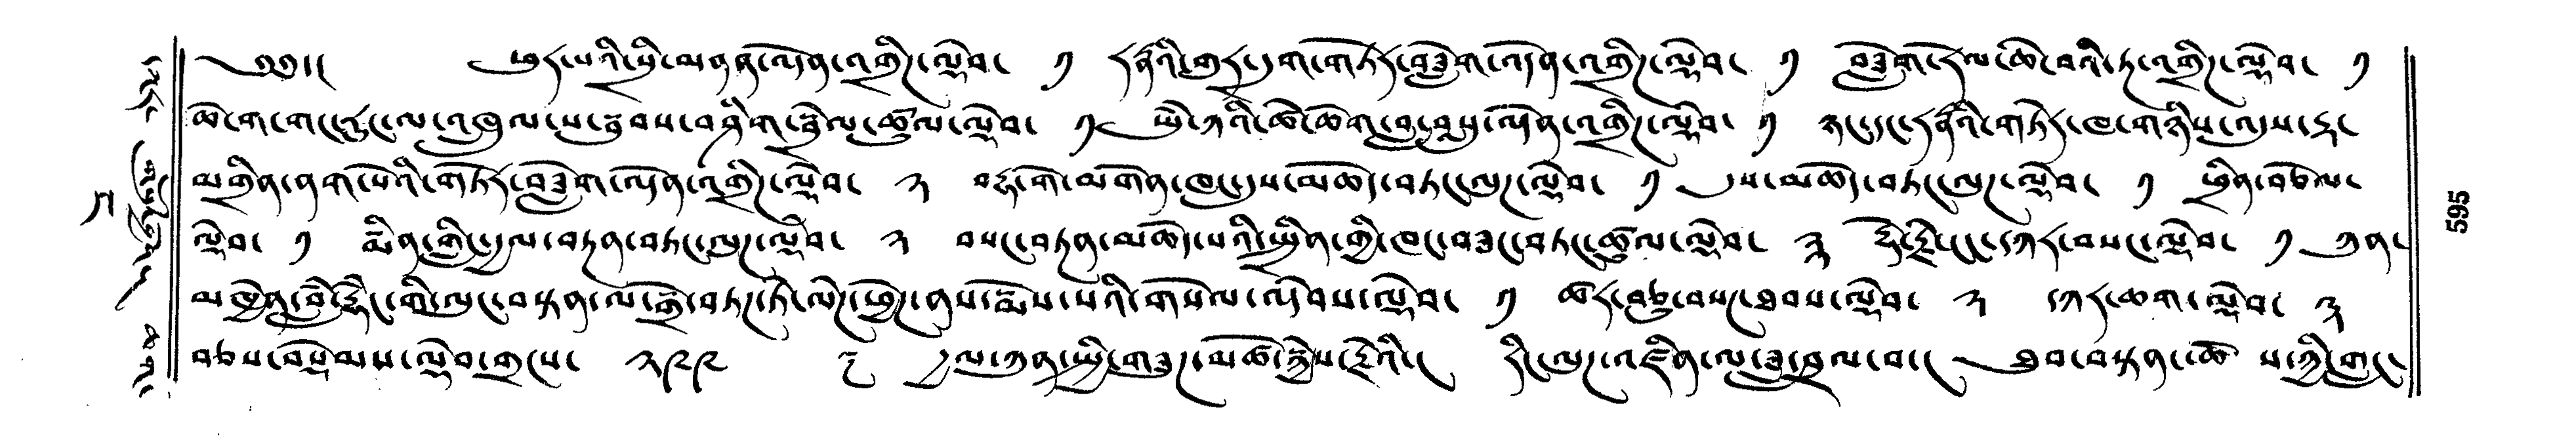ཕུར་པའི་སྲི་མནན་འདོན་འགྲིགས་ལ་ལྡེབ། རཏྣའི་གུར་དྲག་གཏོར་བཟློག་འདོན་འགྲིགས་ལ་ལྡེབ། བཟློག་རོལ་ཆེ་བའི་རྔ་འགྲིགས་ལྡེབ། 
ཆོ་ག་གང་རུང་ལ་འཁྲུལ་པ་སྦུབས་བཤིག་སྦྲེལ་ཚུལ་ལ་ལྡེབ། ཡུམ་ཀའི་ཚེ་ཆོག་བླ་བསླུ་འདོན་འགྲིགས་ལ་ལྡེབ། ཉང་དང་རཏྣའི་གཏེར་ཁ་གཉིས་འདུས་རྟ་
མགྲིན་ནག་པོའི་གཏོར་བཟློག་འདོན་འགྲིགས་ལ་ལྡེབ། བརྡ་གོ་མགོན་ཁང་གི་དུས་མཆོད་གཏོང་ལུགས་ལྡེབ། དུས་མཆོད་གཏོང་ལུགས་ལྡེབ། ཕྲིན་བཅོལ་
ལྡེབ། སྨིན་གླིང་རྒྱལ་བརྔན་གཏོང་ལུགས་ལྡེབ། བསང་བརྔན་མཆོད་པའི་སྤྲིན་གྱི་ཁང་བཟང་གཏོང་ཚུལ་ལྡེབ། རྡོ་རྗེ་ངང་དཀར་བསང་ལ་ལྡེབ། ཀུན་
མཁྱེན་བླ་མ་རྡོ་རྗེ་འཆང་གི་ལུང་བསྟན་ལ་སྒྲོ་བཏགས་ཏེ་ལེགས་ཕྱོགས་ནས་སྨོས་པའི་གསོལ་འདེབས་ལ་ལྡེབ། ཚར་བཅུ་གསོག་ཐབས་ལྡེབ། དཀར་ཆག་རང་ཉིད་ལ་ལྡེབ། 
བཅས་བསྡོམས་ལྡེབ་གྲངས། བཞུགས།། ༈ རྒྱལ་ཀུན་སྤྱི་གཟུགས་མཚོ་སྐྱེས་རྗེའི། །རིང་ལུགས་འཛིན་ལ་ཟླ་བྲལ་བ། །ཐུབ་བསྟན་ཆོས་ཀྱི་གླང་